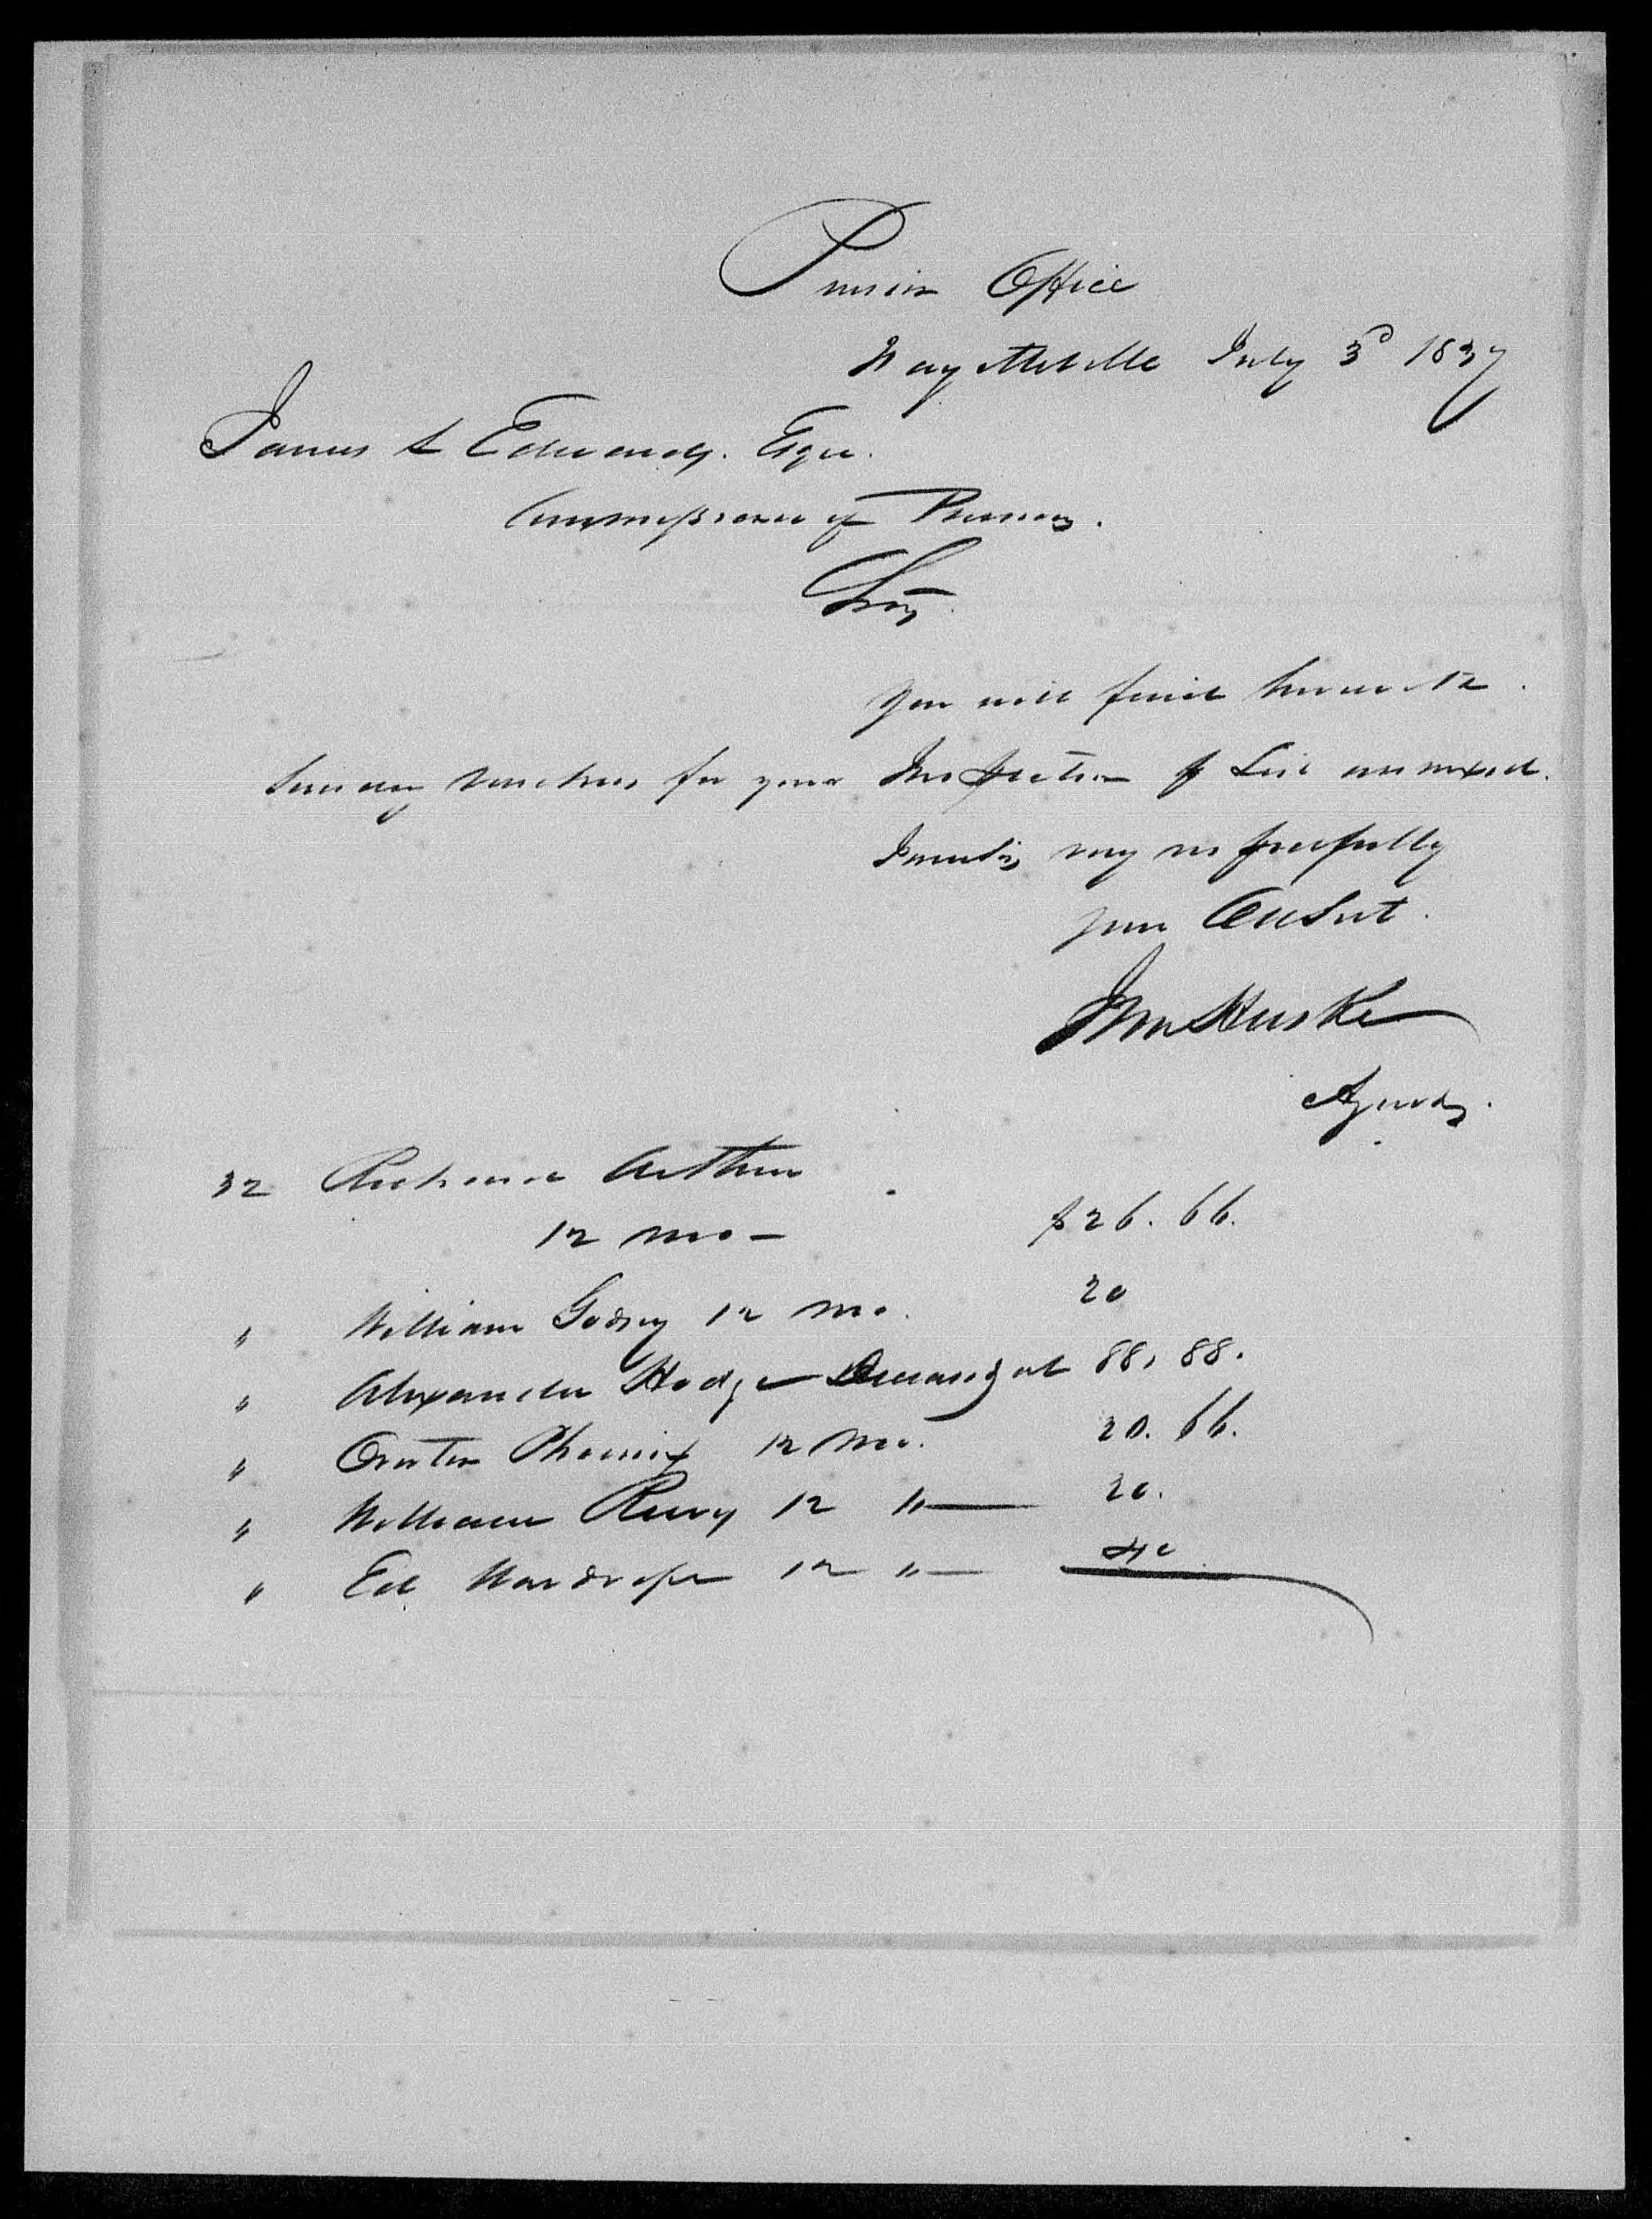Pension Office
Fayettville July 3rd 1837
James S. Edwards, Equ.
Commissions of Pensions
Sir
You will find him with [illegible] may name [illegible] for your Inspection of line was mixed.
[illegible] my respectfully
Jno Huske
[illegible]

32 Richmond Author
12 mo - 					     $26.66
“  William Godsey 12 mo.                20
“  Alexander Hodge Deceased at      88,88.                      
“  Overton Phoenix 12 mo.            20.66.
“  William Rury  12   11--               20.
“  Ed Wardrope 12  11 --	             40.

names: Alexander Hodge, Jno Huske, James L Edwards, Overton Phoenix, William Godsey, Ed Wardrope, William Rury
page: 9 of 14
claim: survivor's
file: S. 8737, Alexander Hodge, N.C.